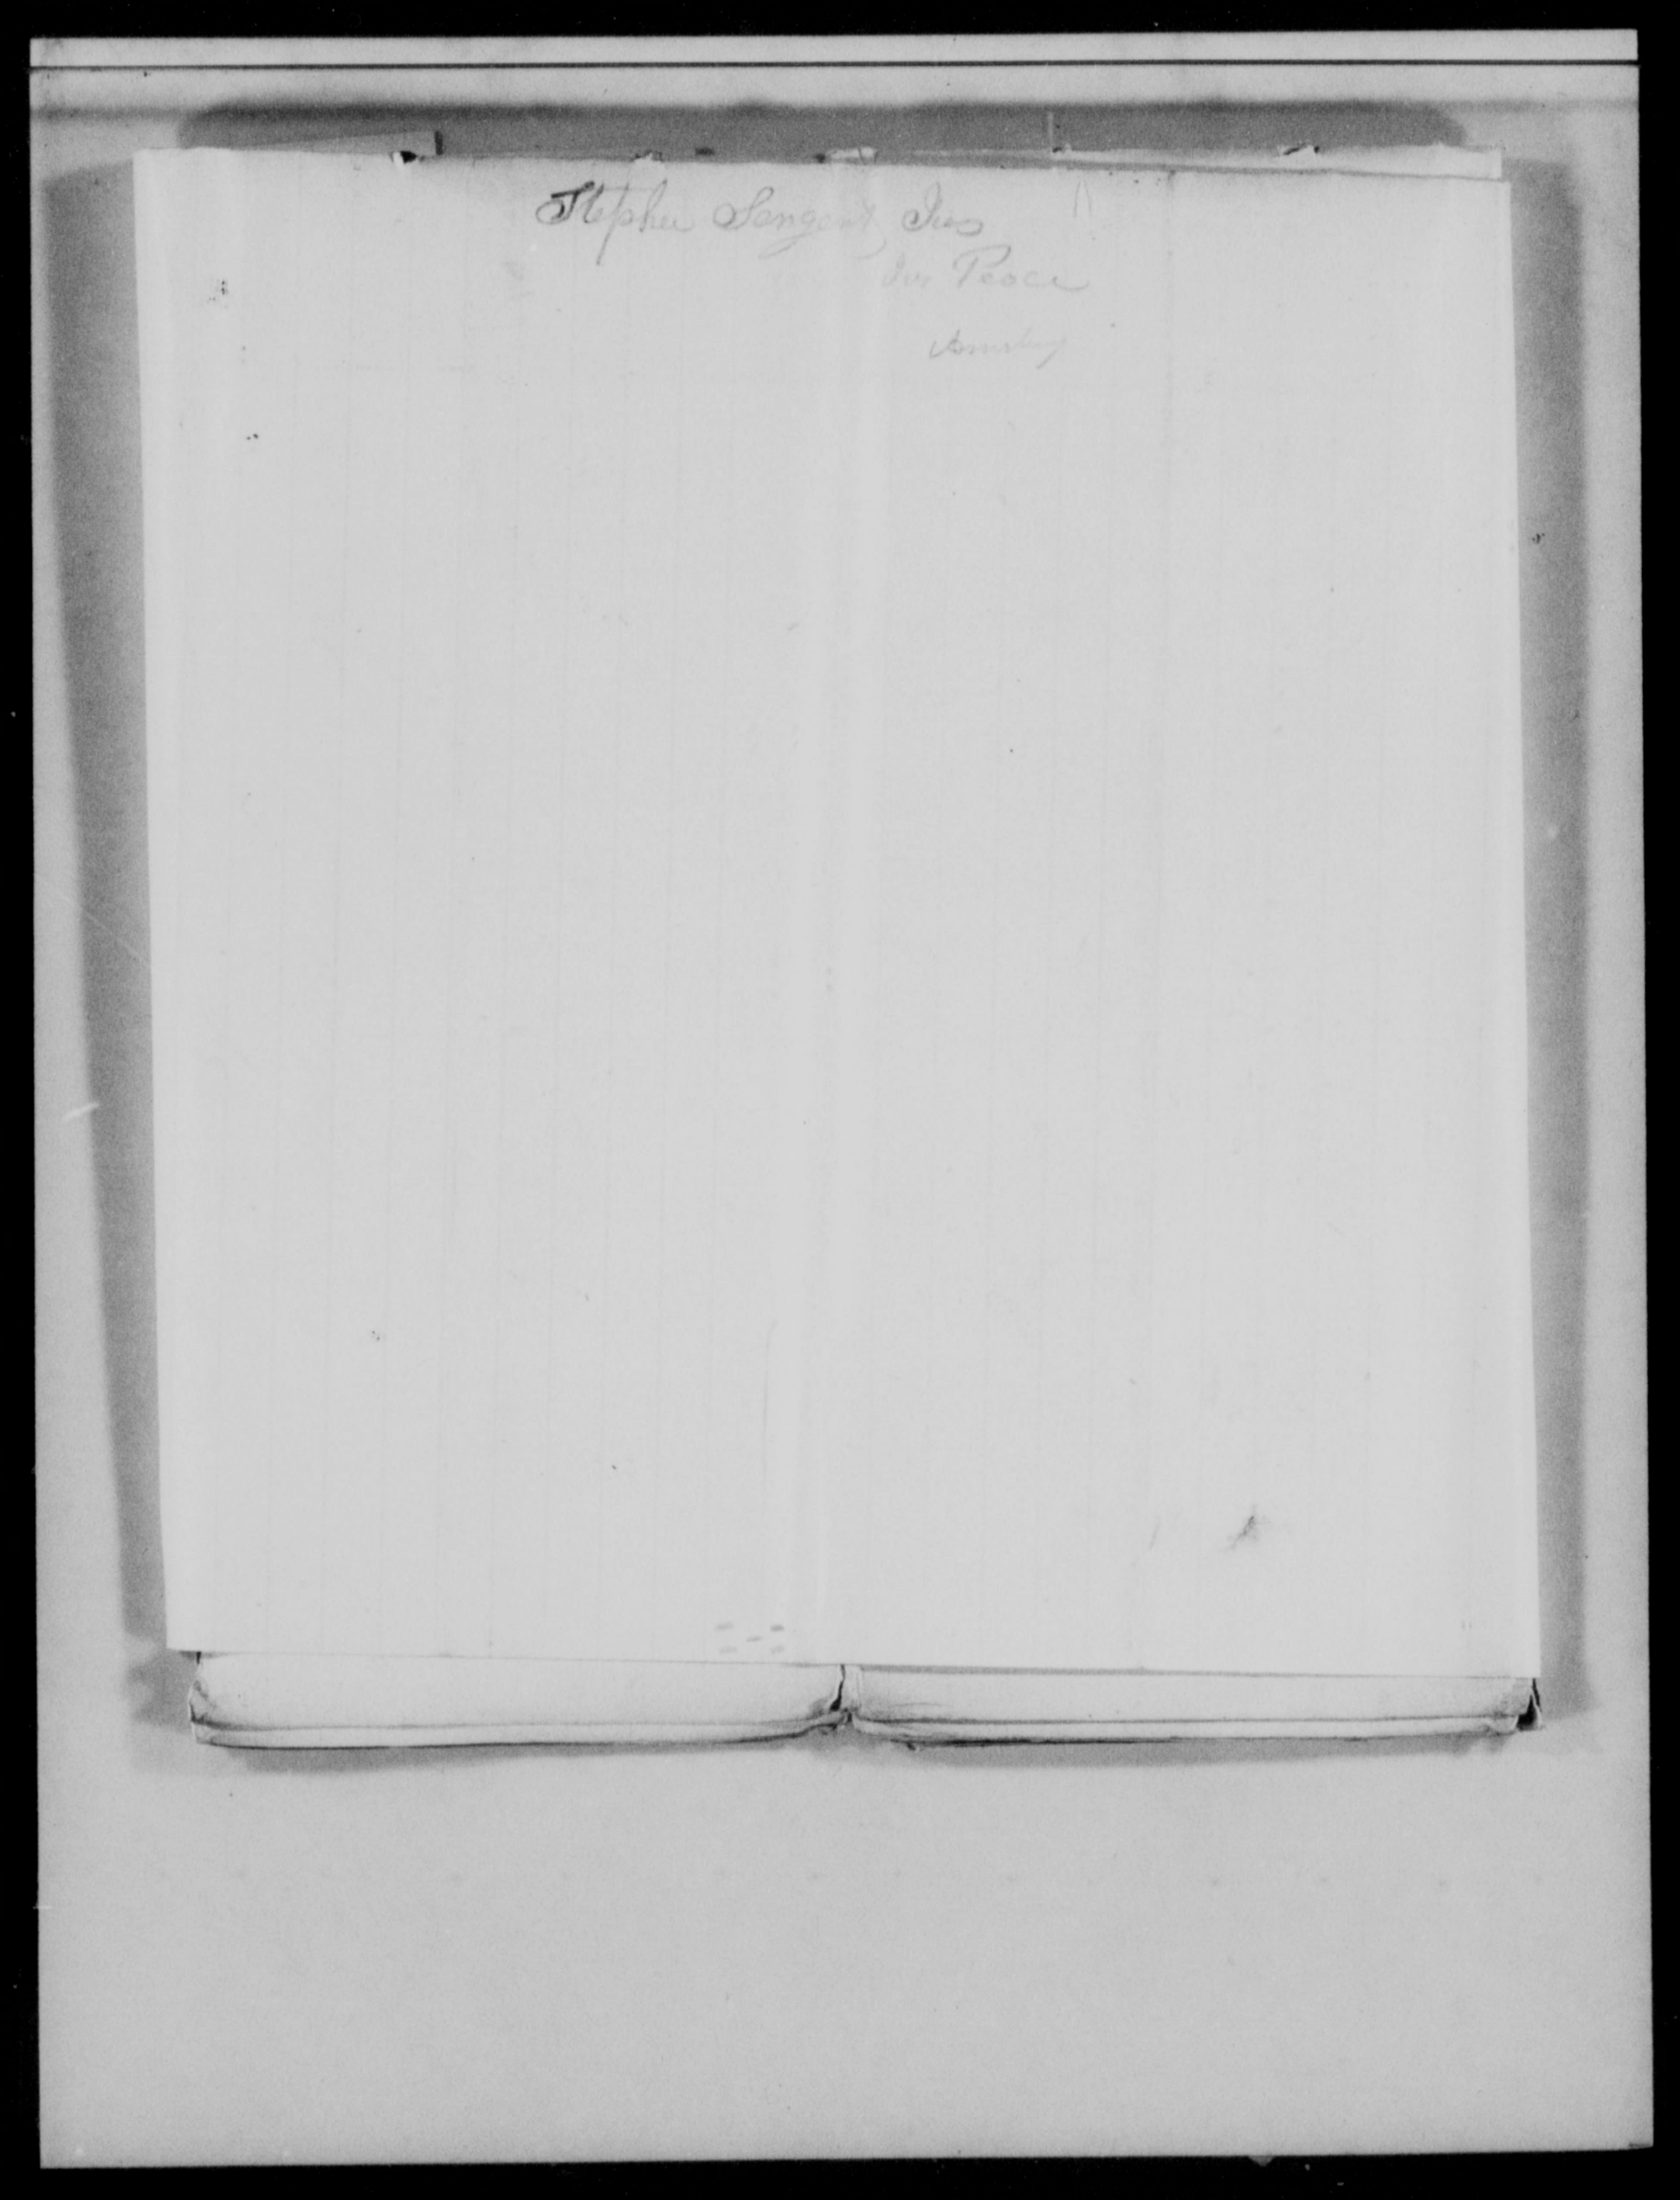Stephen Sargent Jus
Jus Peace
Amesbury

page: 15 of 55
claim: widow's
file: W. 14,021, for Samuel Tilton, New Hampshire